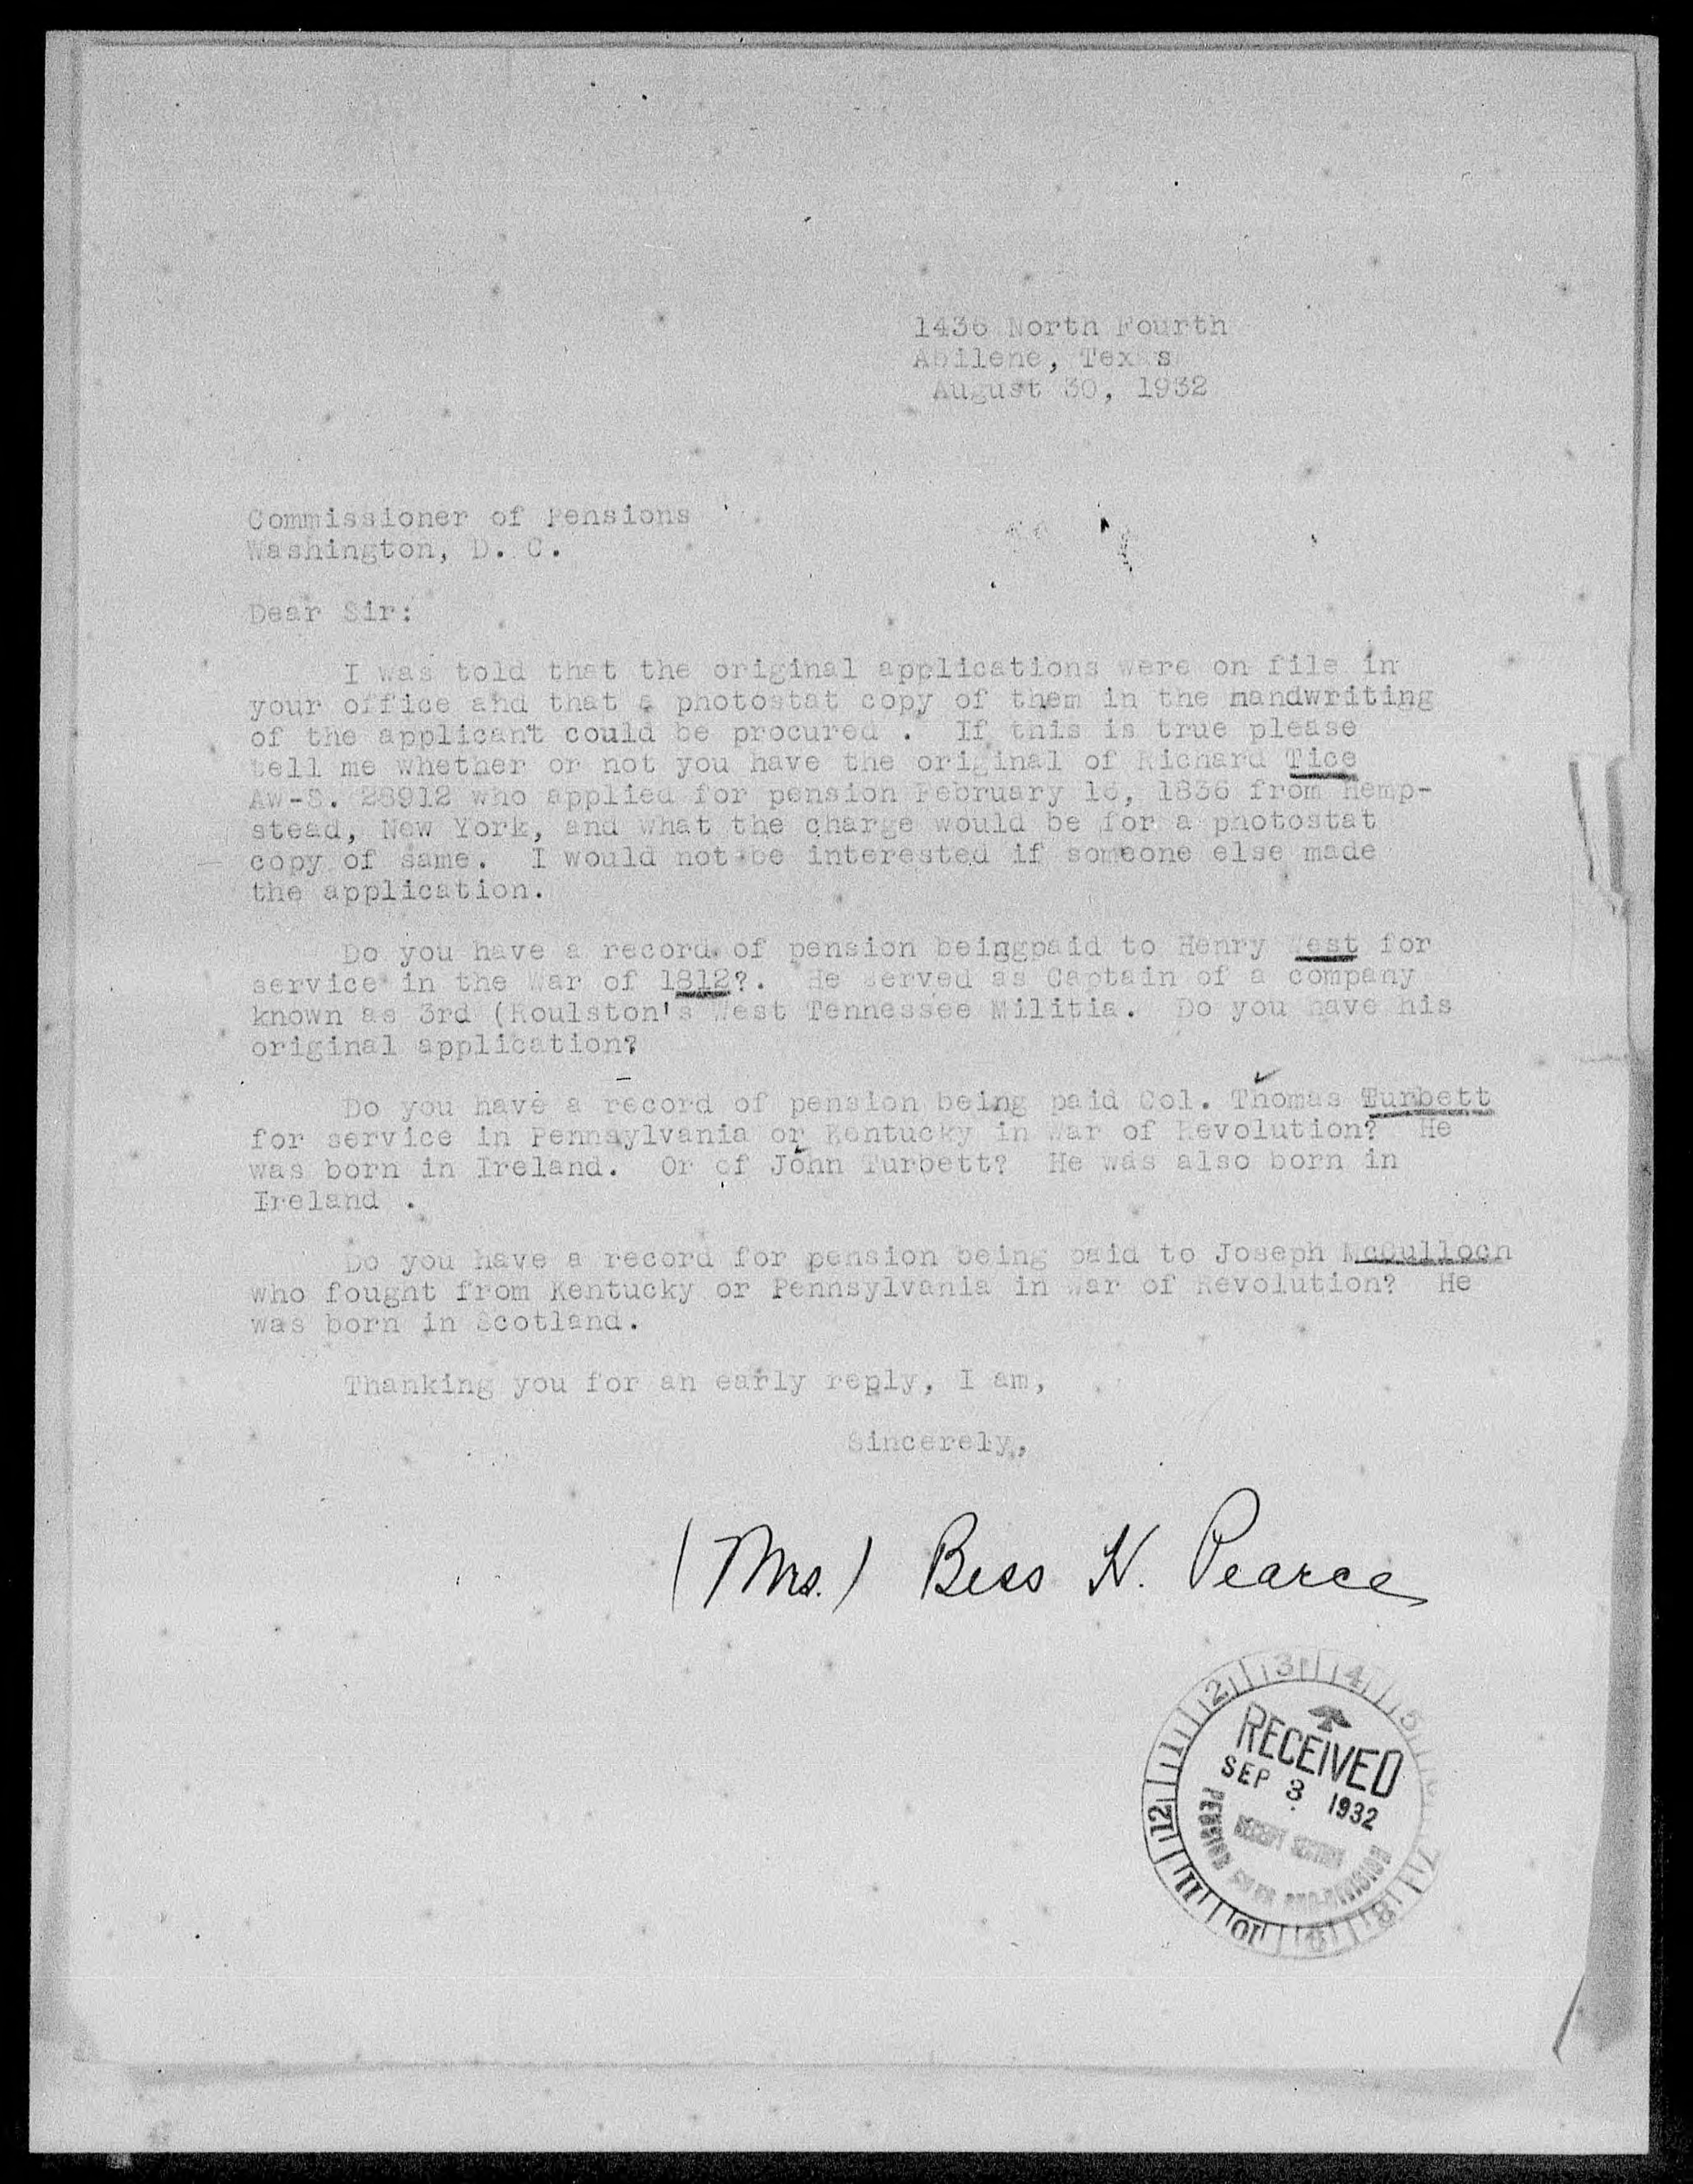1426 North Fourth
Abilene, Texas
August 30, 1932

Commissioner of Pensions
Washington, D. C.

Dear Sir:

I was told that the original applications were on file in your office and that a photostat copy of them in the handwriting of the applicant could be procured. If this is true please tell me whether or not you have the original of Richard Tice AW-S. 28912 who applied for pension February 16, 1836 from Hempstead, New York, and what the charge would be for a photostat copy of the same, I would not be interested if someone else made the application.

Do you have a records of pension being paid to Henry West for service in the War of 1812? He served as Captain of a company known as 3rd (Roulston's West Tennessee Militia. Do you have his original application?

Do you have a record of pension being paid Col. Thomas Turbett for service in Pennsylvania or Kentucky in War of Revolution? He was born in Ireland. Or of John Turbett? He was also born in Ireland.

Do you have a record for pension being paid to Joseph McCullocn who fought from Kentucky or Pennsylvania in War of Revolution? He was born in Scotland.

Thanking you for an early reply, I am,

Sincerely,

[handwritten] (Mrs.) Bess N. Pearce

[stamped]
RECEIVED
SEP 3 1932
RECIEPT SECTION
PENSION [illegible] SUB-DIVISION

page: 25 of 30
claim: widow's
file: W. 2146, for Joseph Mc Collock, Pennsylvania